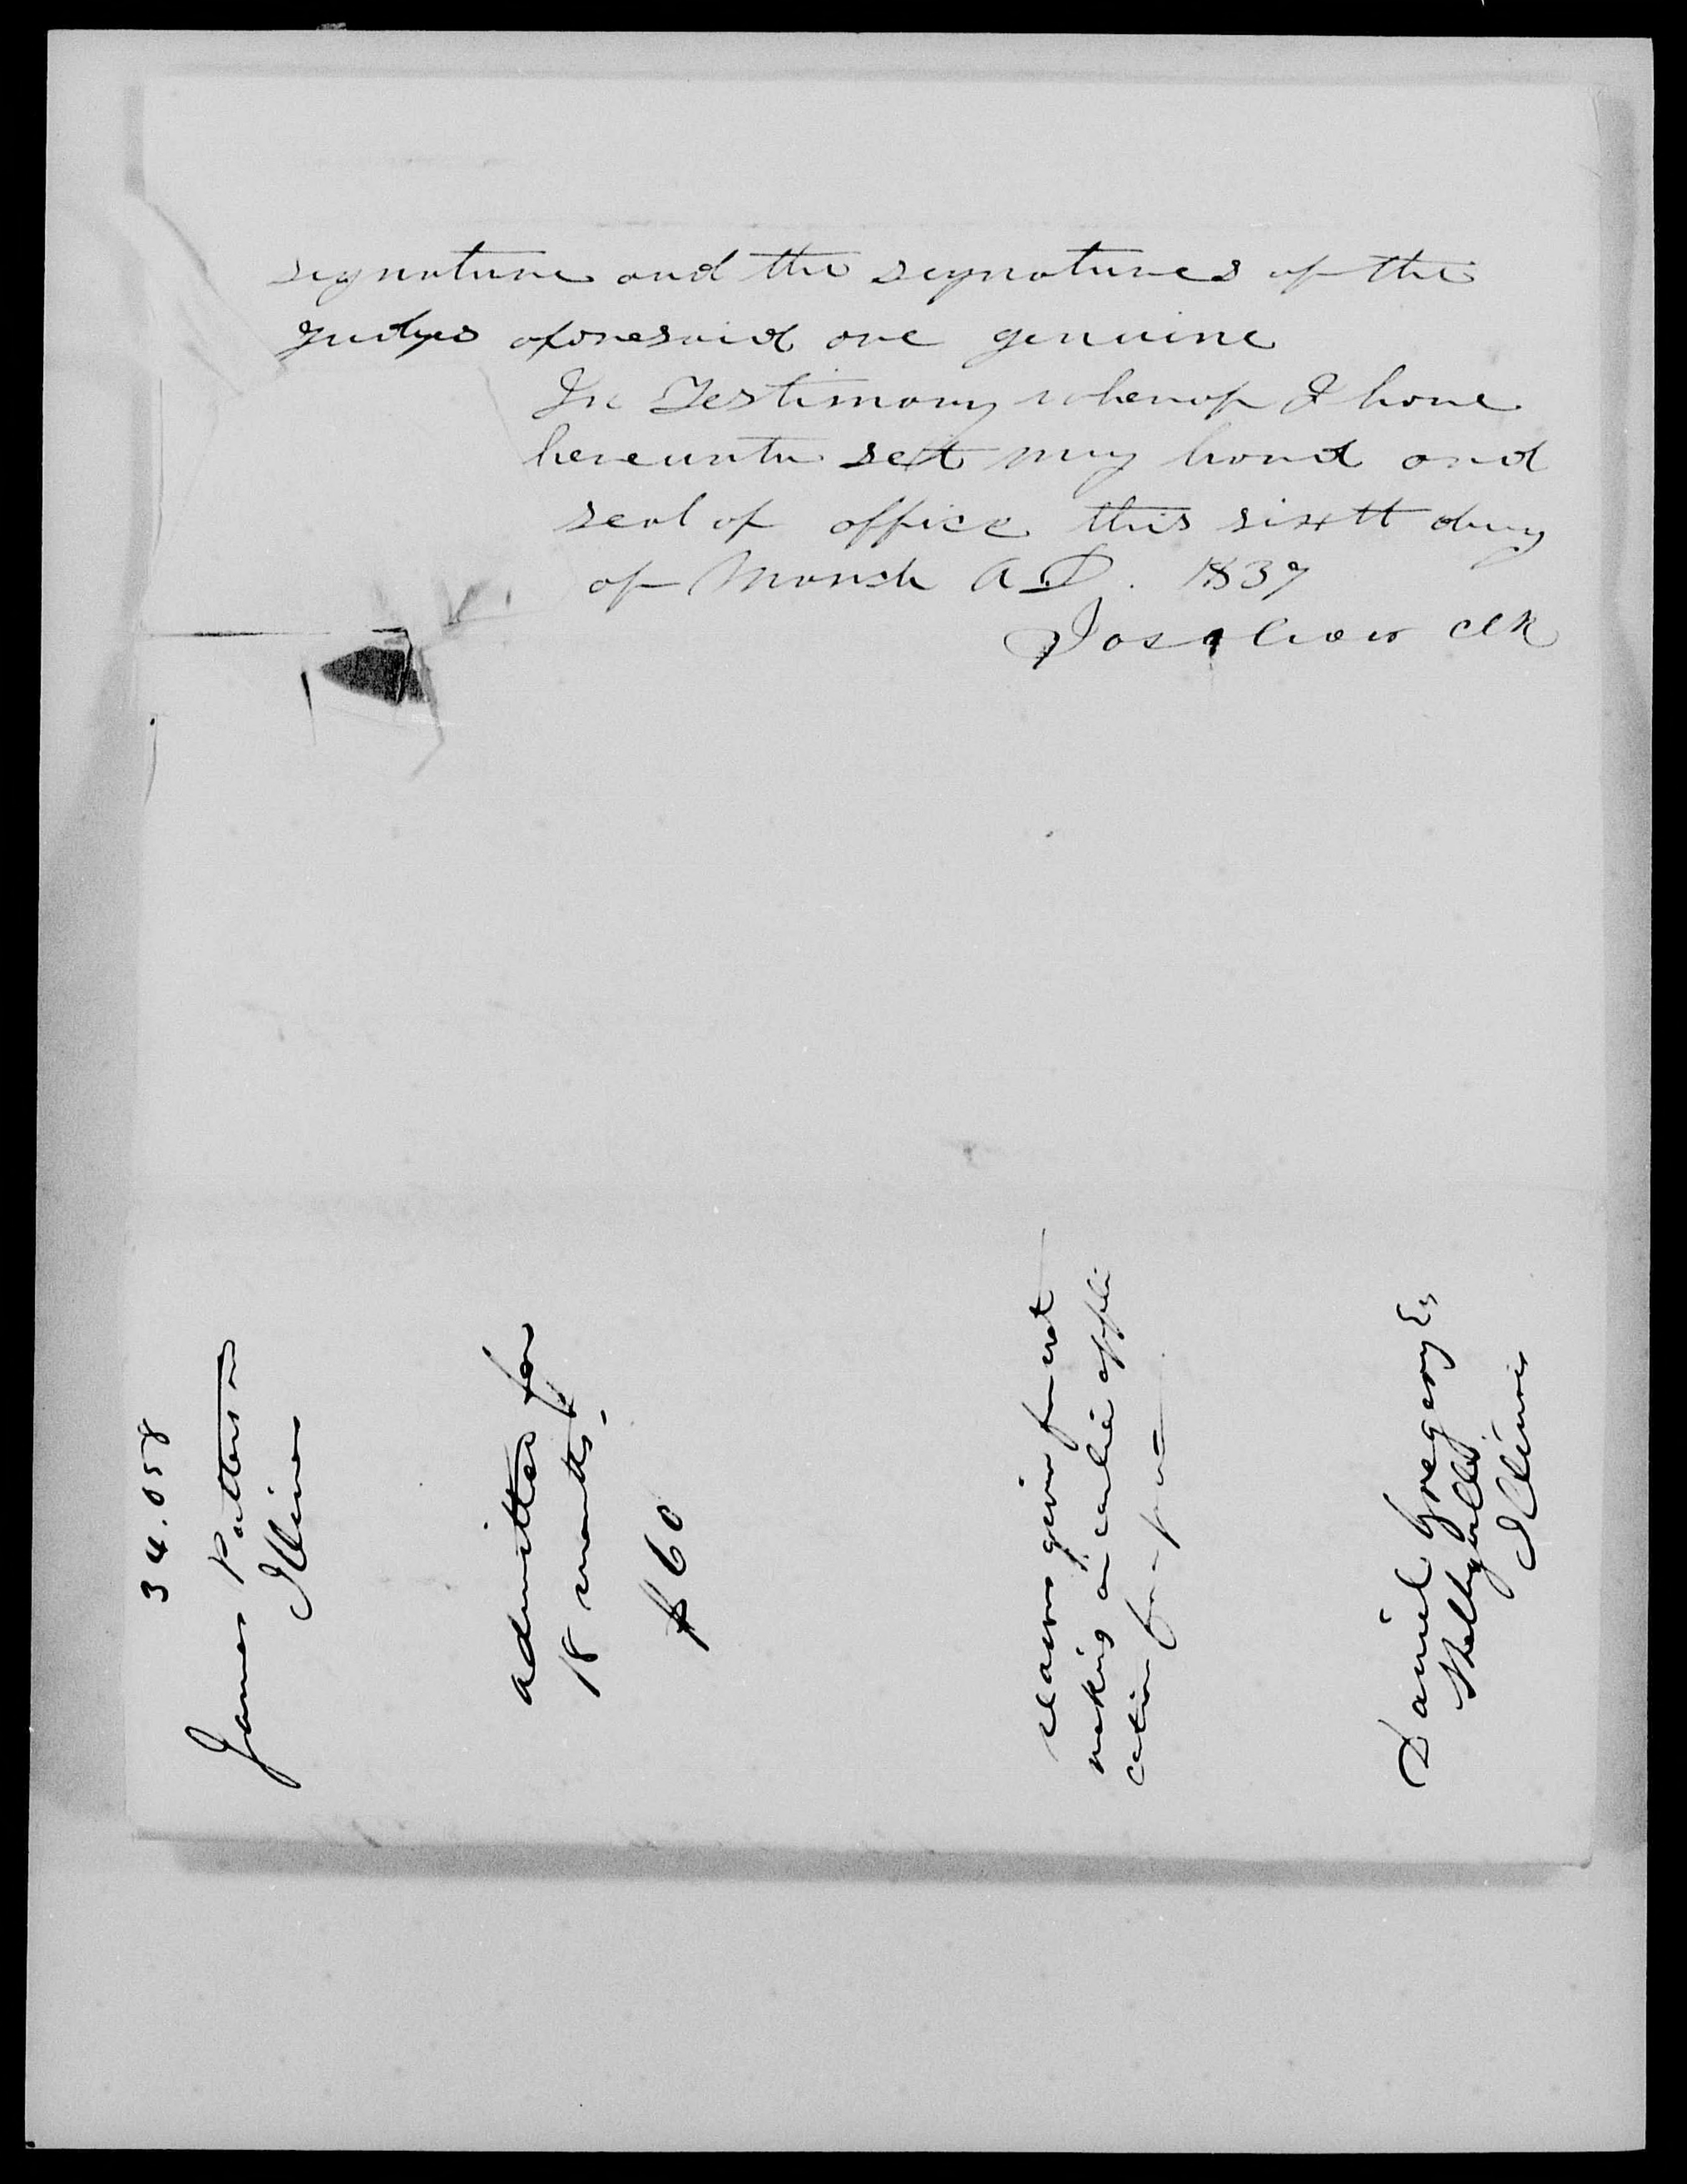signature and the signatures of the Judges aforesaid are genuine 
In Testimony whereof I have hereunto set my hand and seal of office this sixth day of March AD. 1837
Jos Oliver Clk 

34.058
James Patterson
Illinois 

admitted for 
18 months.
$60

Reasons given for not making an under office action for a pension

Daniel Gregery Esq
Shelbyville
Illinois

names: Daniel Gregery; Jos Oliver; James Patterson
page: 43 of 69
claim: widow's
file: W. 10861, for James Patterson, North Carolina